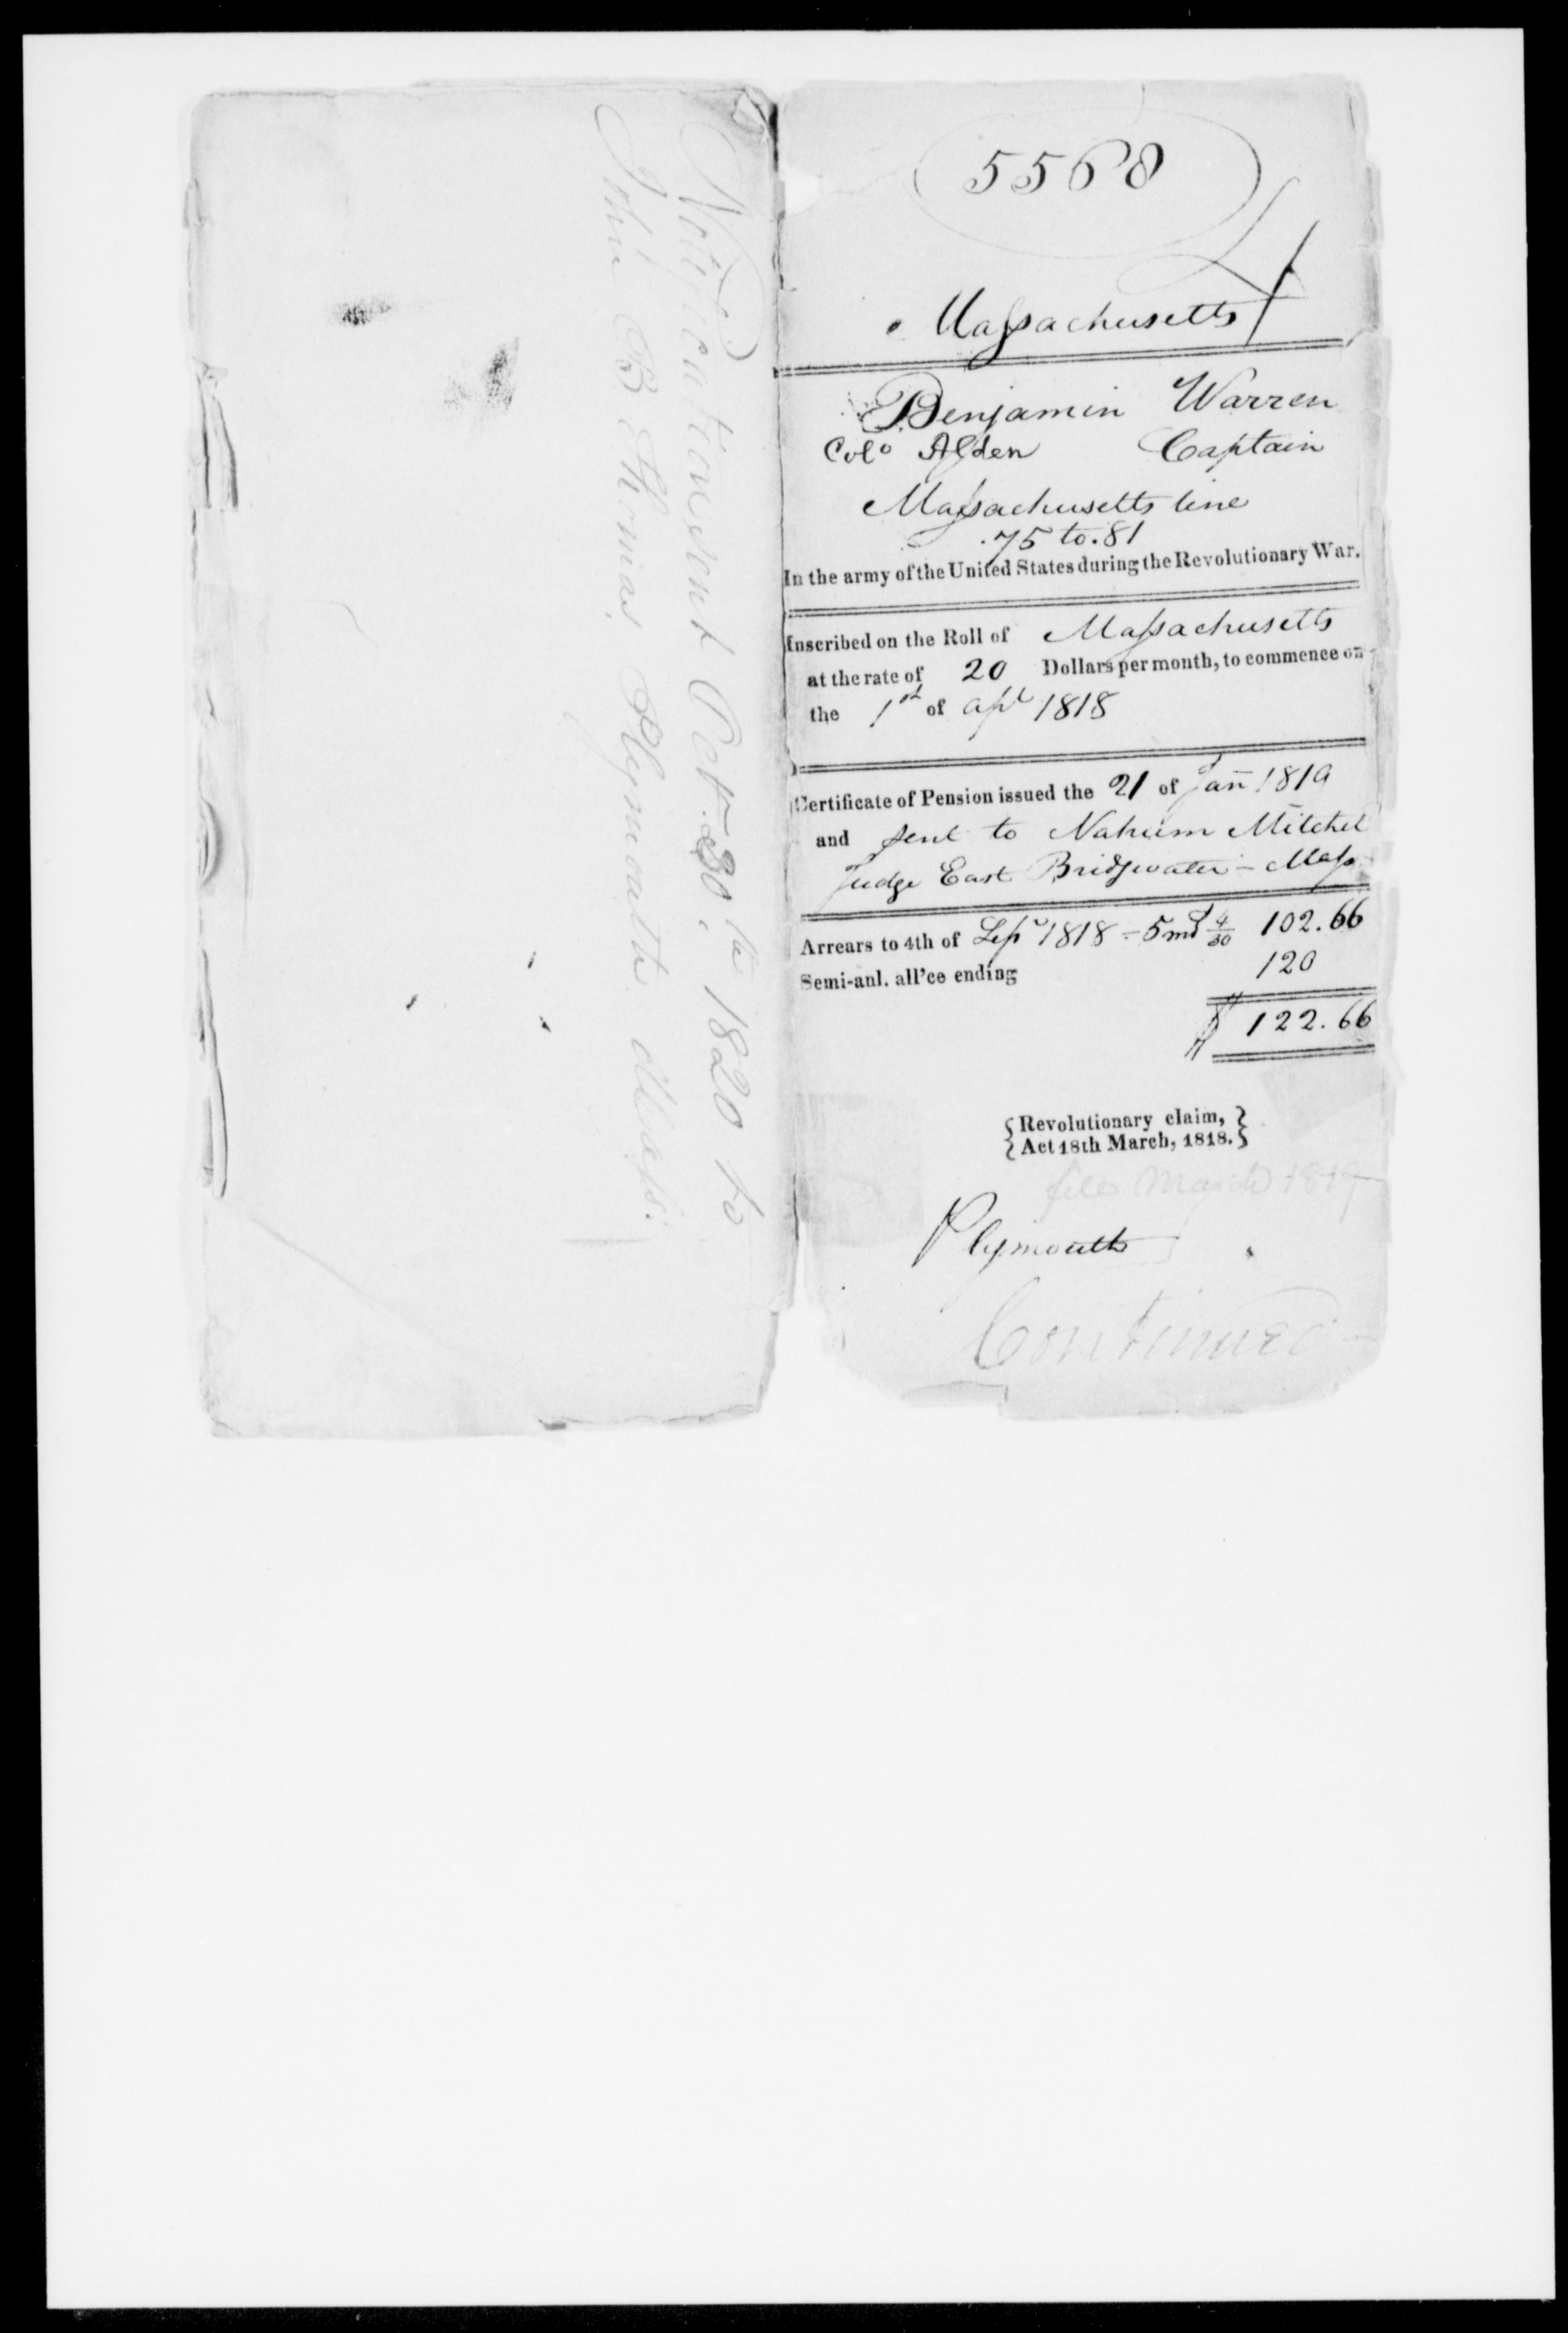5568
Massachusetts
Benjamin Warren Captain
Col. Alden
Massachusetts line
75-81
In the army of the United States during the Revolutionary War.
Inscribed on the Roll of Massachusetts at the rate of 20 Dollars per month to commence on the 1st of Apl. 1818
Certificate of Pension issued 21 Jan. 1819 and sent to Nahum Mitchel, Judge
East Bridgewater Mass.

Arrears to 4th of Sep 1818 5 mo & 4/30
$102.60
Semi-anl. all'ce ending  120.00
$122.60

{Revolutionary claim
Act 18th March 1818}

Plymouth
Continued

Notification sent Oct. 30 1820 to 
John B. Thomas
 Plymouth Mass.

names: Benjamin Warren, Alden, Nahum Mitchel, John B Thomas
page: 2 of 16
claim: survivor's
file: S. 33229, Benjamin Warren, Mass.